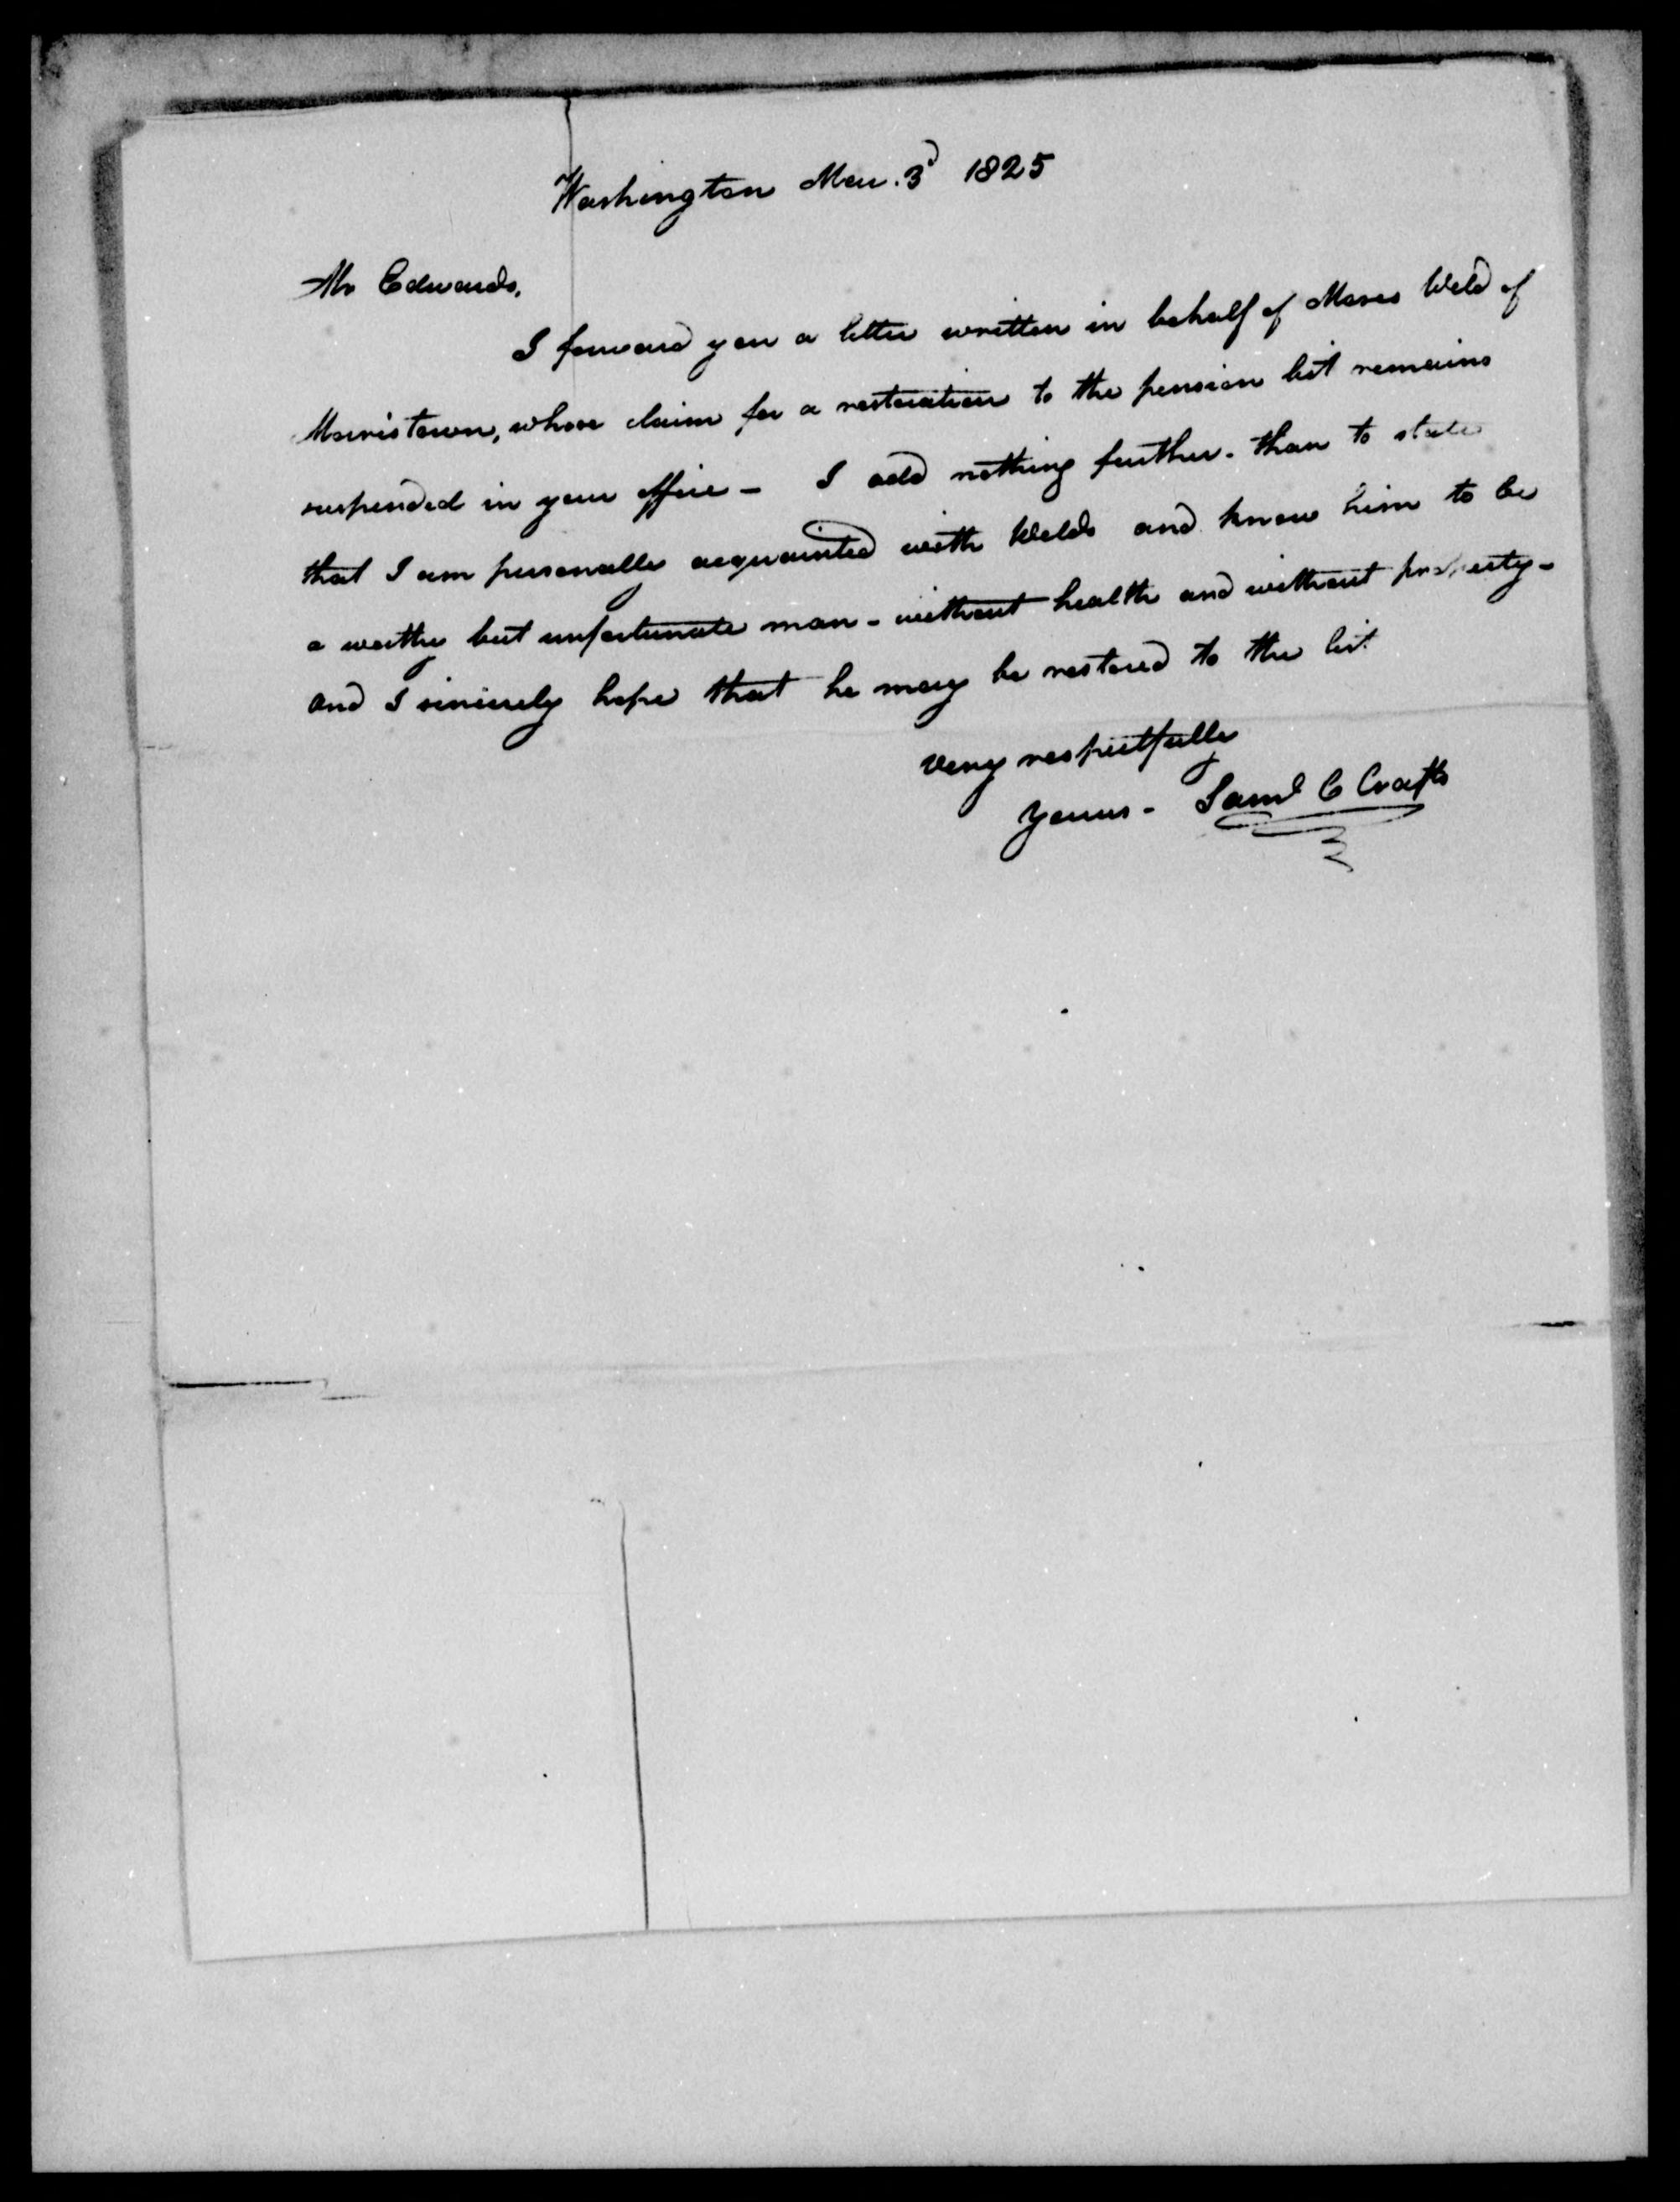Washington Mar. 3d 1825
Mr Edwards,
I forward you a letter written in behalf of Moses Weld of Morristown, whose claim for a restation to the pension list remains suspended in your office-  I add nothing further than to state
that I am personally acquainted with Weld and know him to be a worthy but unfortunate man -without health and without property-
and I sincerely hope that he may be restored to the list
Very respectfully
yours- Saml C Craft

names: Moses Weld, Edwards, Saml C Crafts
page: 49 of 87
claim: widow's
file: W. 25,966, Moses Weld, Mass.